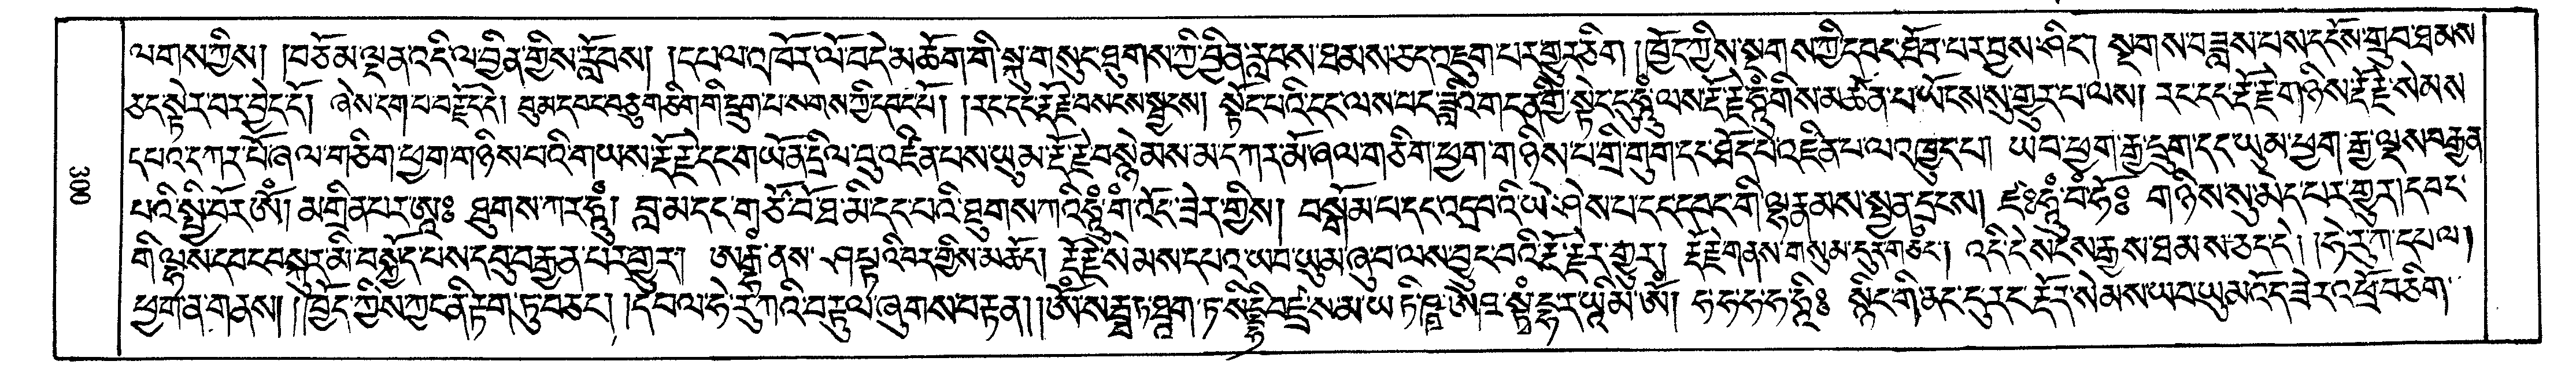ལགས་ཀྱིས། །བཅོམ་ལྡན་འདི་ལ་བྱིན་གྱིས་རློབས། །དཔལ་འཁོར་ལོ་བདེ་མཆོག་གི་སྐུ་གསུང་ཐུགས་ཀྱི་བྱིན་རླབས་ཐམས་ཅད་འཇུག་པར་གྱུར་ཅིག །ཁྱོད་ཀྱིས་སྔགས་ཀྱི་དབང་ཐོབ་པར་བྱས་ཤིང་། སྔགས་བཟླས་པས་དངོས་གྲུབ་ཐམས་
ཅད་སྟེར་བར་བྱེད་དོ། ཞེས་དག་བ་བརྗོད་དེ། བུམ་དབང་བཅུ་གཅིག་གི་དྲུག་པ་སྔགས་ཀྱི་དབང་ངོ། །རང་དང་རྡོ་རྗེ་བསངས་སྦྱངས། སྟོང་པའི་ངང་ལས་བད་ཟླའི་གང་ནི་གྱི་སྟེང་དུ་ཧཱུཾ་ལས་རྡོ་རྗེ་ཧཱུཾ་གིས་མཚན་པ་ཡོངས་སུ་གྱུར་པ་ལས། རང་དང་རྡོ་རྗེ་གཉིས་རྡོ་རྗེ་སེམས་
དཔའ་དཀར་པོ་ཞལ་གཅིག་ཕྱག་གཉིས་པའི་གཡས་རྡོ་རྗེ་དང་གཡོན་དྲིལ་བུ་འཛིན་པས་ཡུམ་རྡོ་རྗེ་བསྙེམས་མ་དཀར་མོ་ཞལ་གཅིག་ཕྱག་གཉིས་པ་གྲི་གུག་དང་ཐོང་བ་འཛིན་པ་ལ་འཁྱུད་པ། ཡབ་ཕྱག་རྒྱ་དྲུག་དང་ཡུམ་ཕྱག་རྒྱ་ལྔས་བརྒྱན་
པའི་སྤྱི་བོར་ཨོཾ། མགྲིན་པར་ཨཱཿ ཐུགས་ཀར་ཧཱུཾ། བླ་མ་དང་གཙོ་བོ་ཐ་མི་དད་བའི་ཐུགས་ཀའི་ཧཱུཾ་གི་འོད་ཟེར་གྱིས། བསྒོམ་བ་དང་འདྲ་བའི་ཡེ་ཤེས་བ་དང་དབང་གི་ལྷ་རྣམས་སྤྱན་དྲངས། ཛཿཧཱུཾ་བཾ་ཧོཿ གཉིས་སུ་མེད་པར་གྱུར། དབང་
གི་ལྷས་དབང་བསྐུར་མི་བསྐྱོད་པས་དབུ་བརྒྱན་པར་གྱུར། ཨརྒྷཾ་ནས་ཤཔྟའི་བར་གྱིས་མཆོད། རྡོ་རྗེ་སེམས་དཔའ་ཡབ་ཡུམ་ཞུ་བ་ལས་བྱུང་བའི་རྡོ་རྗེར་གྱུར། རྡོ་རྗེ་གནས་གསུམ་དུ་རེག་ཅིང་། འདི་དེ་སངས་རྒྱས་ཐམས་ཅད་དེ། །ཧེ་རུ་ཀ་དཔལ་
ཕྱག་ན་གནས། །ཁྱོད་ཀྱིས་ཀྱང་ནི་རྟག་ཏུ་བཅང་། །དཔལ་ཧེ་རུ་ཀའི་བརྟུལ་ཞུགས་བརྟན། །ཨོཾ་སརྦབ་ཏ་ཐཱ་ག་ཏ་སིདྡྷི་བཛྲ་ས་མ་ཡ་ཏིཥྴཱ་ཨེཥ་སྟཾ་དྷ་ར་ཡཱ་མི་ཨོཾ། ཧ་ཧ་ཧ་ཧ་ཧཱིཿ སྙིང་གི་ནང་དུ་རང་རྡོར་སེམས་ཡབ་ཡུམ་འོད་ཟེར་འཕྲོ་བ་ཅིག་